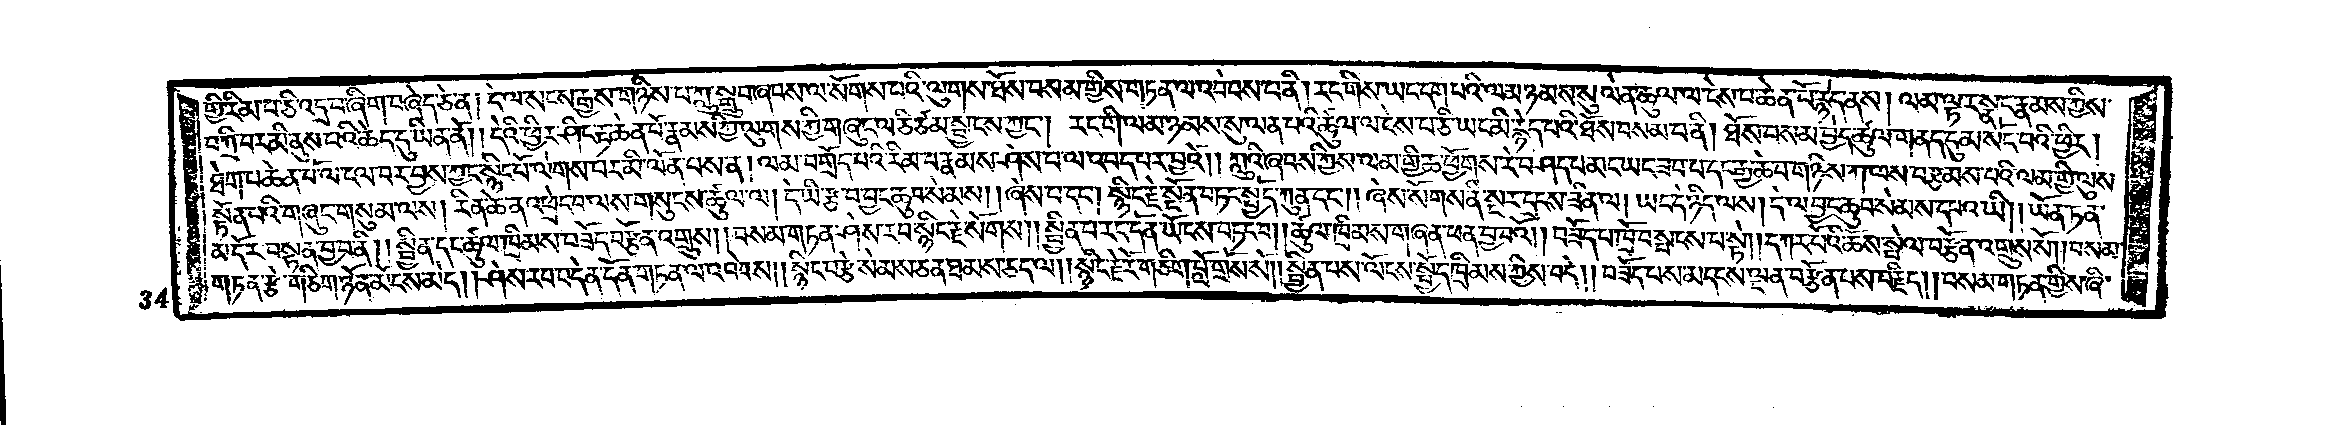གྱི་རིམ་པ་ཅི་འདྲ་བ་ཞིག་བཞེད་ཅེ་ན། དེ་ལ་སངས་རྒྱས་གཉིས་པ་ཀླུ་སྒྲུབ་ཞབས་ལ་སོགས་པའི་ལུགས་ཐོས་བསམ་གྱིས་གཏན་ལ་འབེབས་པ་ནི། རང་གིས་ཡང་དག་པའི་ལམ་ཉམས་སུ་ལེན་ཚུལ་ལ་ངེས་པ་ཆེན་པོ་རྙེད་ནས། ལམ་ལྟར་སྣང་རྣམས་ཀྱིས་
བཀྲི་བར་མི་ནུས་པའི་ཆེད་དུ་ཡིན་ནོ། །དེའི་ཕྱིར་ཤིང་རྟ་ཆེན་པོ་རྣམས་ཀྱི་ལུགས་ཀྱི་གཞུང་ལ་ཅི་ཙམ་སྦྱངས་ཀྱང་། རང་གི་ལམ་ཉམས་སུ་ལེན་པའི་ཚུལ་ལ་ངེས་པ་ཅི་ཡང་མི་རྙེད་པའི་ཐོས་བསམ་པ་ནི། ཐོས་བསམ་བྱེད་ཚུལ་གནད་དུ་མ་སོང་བའི་ཕྱིར།
ཐེག་པ་ཆེན་པོ་ལ་ངལ་བར་བྱས་ཀྱང་སྙིང་པོ་ལེགས་པར་མི་ལོན་པས་ན། ལམ་བགྲོད་པའི་རིམ་པ་རྣམས་ཤེས་པ་ལ་འབད་པར་བྱའོ། །ཀླུའི་ཞབས་ཀྱིས་ལམ་གྱི་ཆ་ཕྱོགས་རེ་བཤད་པ་མང་ཡང་ཟབ་པ་དང་རྒྱ་ཆེ་བ་གཉིས་ཀ་ལས་བརྩམས་པའི་ལམ་གྱི་ལུས་
སྟོན་པའི་གཞུང་གསུམ་ལས། རིན་ཆེན་འཕྲེང་བ་ལས་གསུངས་ཚུལ་ལ། དེ་ཡི་རྩ་བ་བྱང་ཆུབ་སེམས། །ཞེས་པ་དང་། སྙིང་རྗེ་སྔོན་བཏང་སྤྱོད་ཀུན་དང་། །ཞེས་སོགས་ནི་སྔར་དྲངས་ཟིན་ལ། ཡང་དེ་ཉིད་ལས། དེ་ལ་བྱང་ཆུབ་སེམས་དཔའ་ཡི། །ཡོན་ཏན་
མདོར་བསྟན་བྱ་བ་ནི། །སྦྱིན་དང་ཚུལ་ཁྲིམས་བཟོད་བརྩོན་འགྲུས། །བསམ་གཏན་ཤེས་རབ་སྙིང་རྗེ་སོགས། །སྦྱིན་པ་རང་དོན་ཡོངས་བཏང་བ། །ཚུལ་ཁྲིམས་གཞན་ཕན་བྱ་བའོ། །བཟོད་པ་ཁྲོ་བ་སྤངས་པ་སྟེ། །དཀར་པོའི་ཆོས་སྤེལ་བརྩོན་འགྲུས་སོ། །བསམ་
གཏན་རྩེ་གཅིག་ཉོན་མོངས་མེད། །ཤེས་རབ་བདེན་དོན་གཏན་ལ་འབབས། །སྙིང་བརྩེ་སེམས་ཅན་ཐམས་ཅད་ལ། །སྙིང་རྗེ་རོ་གཅིག་བློ་གྲོས་སོ། །སྦྱིན་པས་ལོངས་སྤྱོད་ཁྲིམས་ཀྱིས་བདེ། །བཟོད་པས་མདངས་ལྡན་བརྩོན་པས་བརྗིད། །བསམ་གཏན་གྱིས་ཞི་